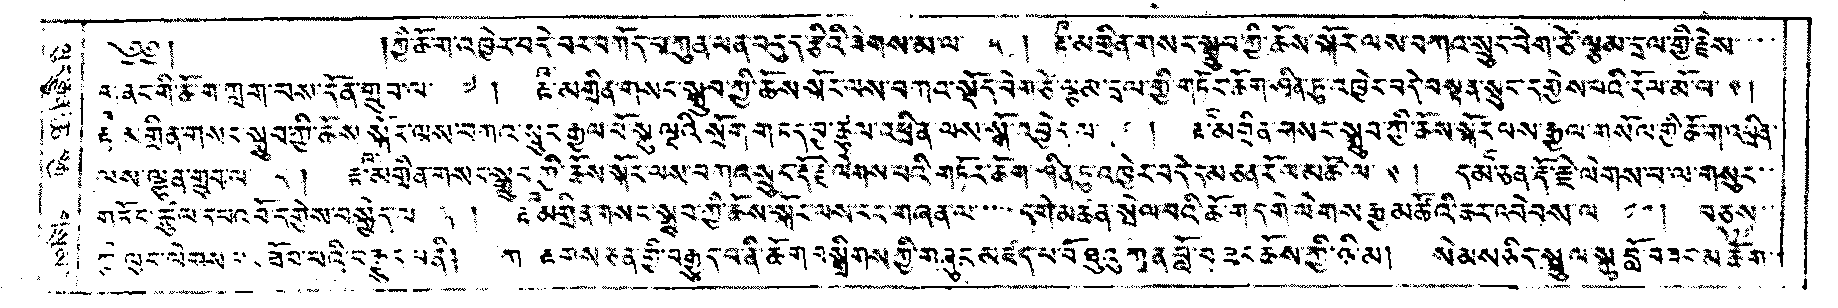༄༅། །ཀྱི་ཆོ་ག་འཁྱེར་བདེ་བར་བཀོད་པ་ཀུན་ཕན་བདུད་རྩིའི་ཟེགས་མ་ལ ༥། ཁ་རྟ་མགྲིན་གསང་སྒྲུབ་ཀྱི་ཆོས་སྐོར་ལས་བཀའ་སྲུང་བེག་ཙེ་ལྕམ་དྲལ་གྱི་རྗེས་
གནང་གི་ཆོ་ག་ཀླག་པས་དོན་གྲུབ་ལ ༧། ཁ་རྟ་མགྲིན་གསང་སྒྲུབ་ཀྱི་ཆོས་སྐོར་ལས་བཀའ་སྡོད་བེག་ཙེ་ལྕམ་དྲལ་གྱི་གཏོར་ཆོག་ཤིན་ཏུ་འཁྱེར་བདེ་བསྟན་སྲུང་དགྱེས་པའི་རོལ་མོ་ལ ༤།
ཁ་རྟ་མགྲིན་གསང་སྒྲུབ་ཀྱི་ཆོས་སྐོར་ལས་བཀའ་སྲུང་རྒྱལ་པོ་སྐུ་ལྔའི་སྲོག་གཏད་བྱ་ཚུལ་འཕྲིན་ལས་སྒོ་འབྱེད་ལ ༩། ང་རྟ་མགྲིན་གསང་སྒྲུབ་ཀྱི་ཆོས་སྐོར་ལས་རྒྱལ་གསོལ་གྱི་ཆོ་ག་འཕྲིན་
ལས་ལྷུན་གྲུབ་ལ ༨། ཁ་རྟ་མགྲིན་གསང་སྒྲུབ་ཀྱི་ཆོས་སྐོར་ལས་བཀའ་སྲུང་རྡོ་རྗེ་ལེགས་པའི་གཏོར་ཆོག་ཤིན་ཏུ་འཁྱེར་བདེ་དམ་ཅན་རོལ་མཚོ་ལ ༤། དམ་ང་ཅན་རྡོ་རྗེ་ལེགས་པ་ལ་གསུར་གཏོང་ཚུལ་དཔའ་བོ་དགྱེས་བསྐྱེད་ལ ༣། རྟ་ཁ་མགྲིན་གསང་སྒྲུབ་ཀྱི་ཆོས་སྐོར་ལས་རང་གཞན་ལ་དགེ་མཚན་སྤེལ་བའི་ཆོ་ག་དགེ་ལེགས་རྒྱ་མཚོའི་ཆར་འབེབས་ལ ༡༡། བཅས ༣༡༧
ཀྱི་ལུང་ལེགས་པར་ཐོབ་པའི་བརྒྱུད་པ་ནི། ཀ་རྟགས་ཅན་གྱི་བརྒྱུད་པ་ནི་ཆོག་བསྒྲིགས་ཀྱི་གཞུང་མཛད་པ་པོ་ཐུའུ་ཀྭན་བློ་བཟང་ཆོས་ཀྱི་ཉི་མ། སེམས་ཉིད་སྤྲུལ་སྐུ་བློ་བཟང་མཆོག་